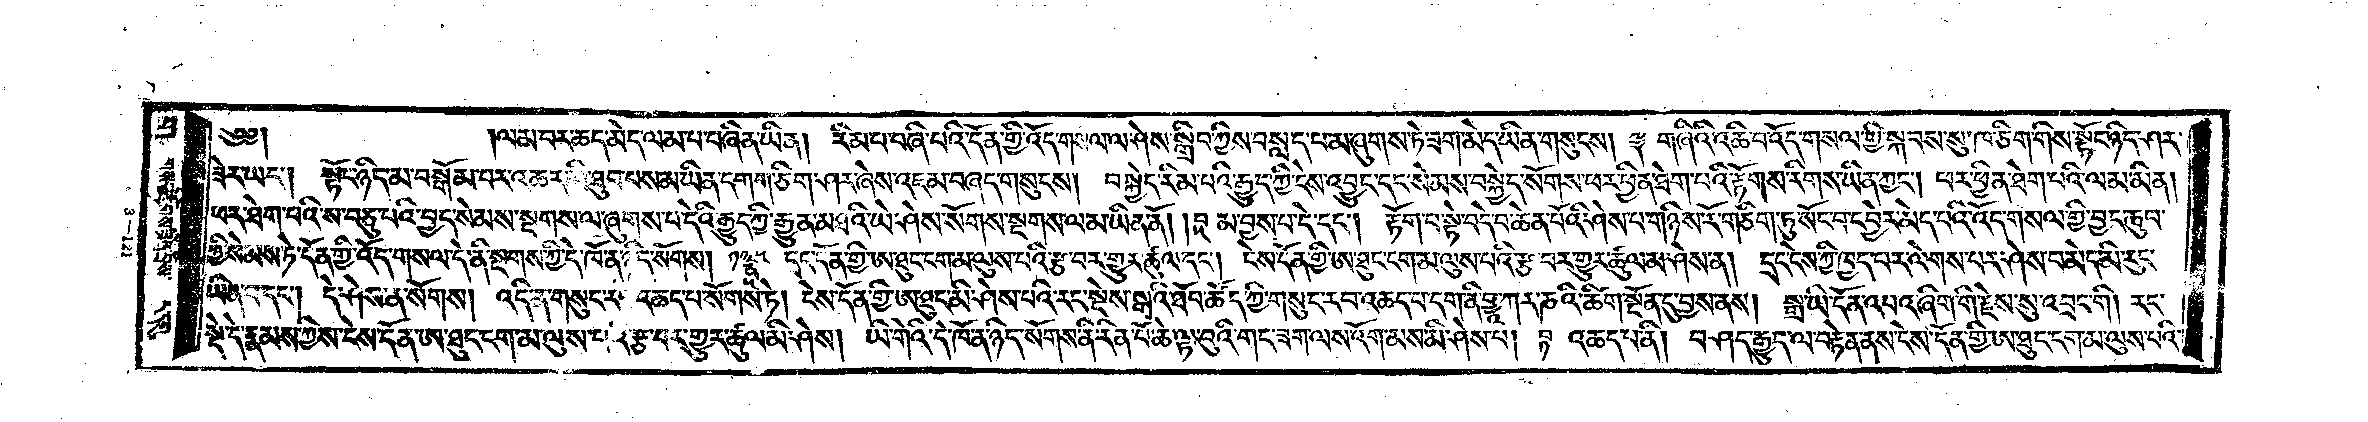༄༅། །ལམ་བར་ཆད་མེད་ལམ་པ་བཞིན་ཡིན། རིམ་པ་བཞི་པའི་དོན་གྱི་འོད་གསལ་ལ་ཤེས་སྒྲིབ་ཀྱིས་བསླད་པ་མ་ཞུགས་ཏེ་ཟག་མེད་ཡིན་གསུངས། ༈ གཞིའི་འཆི་བ་འོད་གསལ་གྱི་སྐབས་སུ་ཁ་ཅིག་གིས་སྟོང་ཉིད་ཤར་
ཟེར་ཡང་། སྟོང་ཉིད་མ་བསྒོམ་པར་འཆར་མི་ཐུབ་པས་མ་ཡིན་དགག་ཅིག་ཤར་ཞེས་འཇམ་བཞད་གསུངས། བསྐྱེད་རིམ་པའི་རྒྱུད་ཀྱི་ངེས་འབྱུང་དང་སེམས་བསྐྱེད་སོགས་ཕར་ཕྱིན་ཐེག་པའི་རྟོགས་རིགས་ཡིན་ཀྱང་། ཕར་ཕྱིན་ཐེག་པའི་ལམ་མིན།
ཕར་ཐེག་པའི་ས་བཅུ་པའི་བྱད་སེམས་སྔགས་ལ་ཞུགས་པ་དེའི་རྒྱུད་ཀྱི་རྒྱུན་མཐའི་ཡེ་ཤེས་སོགས་སྔགས་ལམ་ཡིན་ནོ། །བ༥་མ་བྱས་པ་དེ་དང་། རྟོགས་པ་སྟེ་བདེ་བ་ཆེན་པོའི་ཤེས་པ་གཉིས་རོ་གཅིག་ཏུ་སོང་བ་དབྱེར་མེད་པའི་འོད་གསལ་གྱི་བྱང་ཆུབ་
གྱི་སེམས་ཏེ་དོན་གྱི་འོད་གསལ་དེ་ནི་སྔགས་ཀྱི་དེ་ཁོ་ན་ཉིད་སོགས། ༡༣ན༥་དྲངས་དོན་གྱི་ཨ་ཐུང་ངག་མ་ལུས་པའི་རྩ་བར་གྱུར་ཚུལ་དང་། ངེས་དོན་གྱི་ཨ་ཐུང་ངག་མ་ལུས་པའི་རྩ་བར་གྱུར་ཚུལ་མ་ཤེས་ན། དྲང་ངེས་ཀྱི་ཁྱད་པར་ལེགས་པར་ཤེས་པ་མེད་མི་རུང་
ཡིན་པ་དང་། དེ་ཤེས་ན་སོགས། འདི་ན་གསུང་རང་འཆད་པ་སོགས་ཏེ། ངེས་དོན་གྱི་ཨ་ཐུང་མི་ཤེས་པའི་རང་སྡེས་སྒྲའི་ཐོབ་ཚོད་ཀྱི་གསུང་རབ་འཆད་པ་དག་ནི་བྱཱ་ཀར་ཎའི་ཚིག་སྔོན་དུ་བྱས་ནས། སྒྲ་ཡི་དོན་འབའ་ཞིག་གི་རྗེས་སུ་འབྲང་གི། རང་
སྡེ་དེ་རྣམས་ཀྱིས་ངེས་དོན་ཨ་ཐུང་ངག་མ་ལུས་པའི་རྩ་བར་གྱུར་ཚུལ་མི་ཤེས། ཡི་གེའི་དེ་ཁོ་ན་ཉིད་སོགས་ནི་རིན་པོ་ཆེ་ལྟ་བུའི་གང་ཟག་ལས་འོག་མས་མི་ཤེས་པ། བ་འཆད་པ་ནི། བཤད་རྒྱུད་ལ་བརྟེན་ནས་ངེས་དོན་གྱི་ཨ་ཐུང་དག་མ་ལུས་པའི་